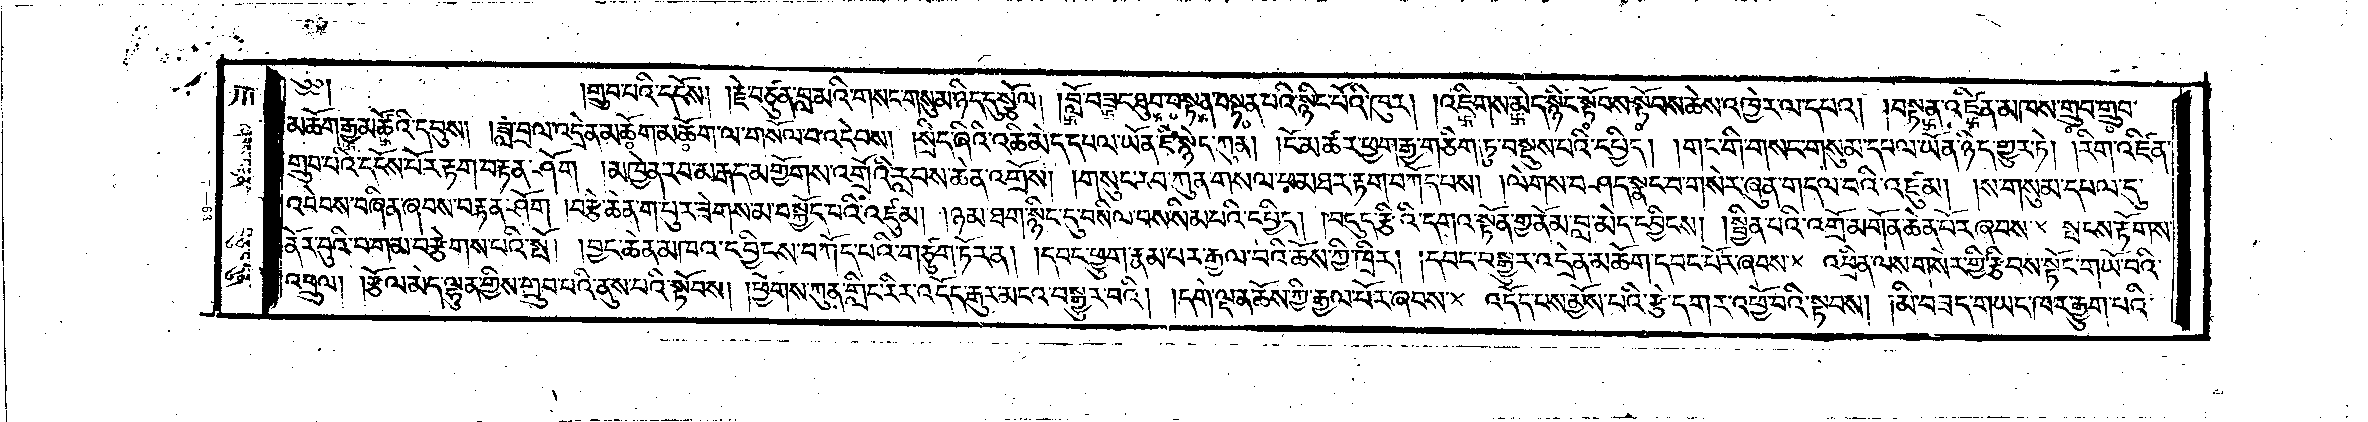༄༅། །གྲུབ་པའི་དངོས། །རྗེ་བཙུན་བླ་མའི་གསང་གསུམ་ཉིད་དུ་སྩོལ། །བློ་བཟང་ཐུབ་བསྟན་བསྟན་པའི་སྙིང་པོའི་ཁུར། །འཇིགས་མེད་སྙིང་སྟོབས་སྟོབས་ཆེས་འཁྱེར་ལ་དཔའ། །བསྟན་འཛིན་མཁས་གྲུབ་གྲུབ་
མཆོག་རྒྱ་མཚོའི་དབུས། །ཟླ་བྲལ་འདྲེན་མཆོ་།མཆོག་ལ་གསོལ་བ་འདེབས། །སྲིད་ཞིའི་འཆི་མེད་དཔལ་ཡོན་ཇི་སྙེད་ཀུན། །ངོ་མཚར་ཕྱག་རྒྱ་གཅིག་ཏུ་བསྡུས་པའི་དཔྱིད། །གང་གི་གསང་གསུམ་དཔལ་ཡོན་ཉིད་གྱུར་ཏེ། །རིག་འཛིན་
གྲུབ་པའི་དངོས་པོར་རྟག་བརྟན་ཤོག །མཁྱེན་རབ་མ་རྒད་མགྱོགས་འགྲོའི་རླབས་ཆེན་འགྲོས། །གསུང་རབ་ཀུན་གསལ་ཕ་མཐར་རྟག་བཀོད་པས། །ལེགས་བཤད་སྣང་བ་གསེར་ཞུན་གདལ་བའི་འཛུམ། །ས་གསུམ་དཔལ་དུ་
འབེབས་བཞིན་ཞབས་བརྟན་ཤོག །བརྩེ་ཆེན་ག་བུར་ཟེགས་མ་བསྐྱོད་པའི་འཛུམ། །ཉམ་ཐག་སྙིང་དུ་བསིལ་བས་སིམ་པའི་དཔྱིད། །བདུད་རྩིའི་དགའ་སྟོན་གྱ་ནོམ་བླ་མེད་དབྱིངས། །སྦྱིན་པའི་འགྲོ་མགོན་ཆེན་པོར་ཞབས་྾་སྤངས་རྟོགས་
ནོར་བུའི་བ་གམ་བརྩེགས་པའི་སྤོ། །བྱང་ཆེན་མཁའ་དབྱིངས་བཀོད་པའི་གཙུག་ཏོར་ན། །དབང་ཕྱུག་རྣམ་པར་རྒྱལ་བའི་ཆོས་ཀྱི་ཁྲིད། །དབང་བསྒྱུར་འདྲེན་མཆོག་དབང་པོར་ཞབས་྾་འཕྲིན་ལས་གསེར་གྱི་རྩིབས་སྟོང་གཡོ་བའི་
འཕྲུལ། །རྩོལ་མེད་ལྷུན་གྱིས་གྲུབ་པའི་ནུས་པའི་སྟོབས། །ཕྱོགས་ཀུན་གླིང་རིར་འདོད་རྒུར་མངའ་བསྒྱུར་བའི། །དགེ་ལྡན་ཆོས་ཀྱི་རྒྱལ་པོར་ཞབས་྾་འདོད་པས་མྱོས་པའི་རྩེ་དགར་འཕྱོ་བའི་སྟབས། །མི་བཟད་གཡང་ཁར་རྒྱུག་པའི་